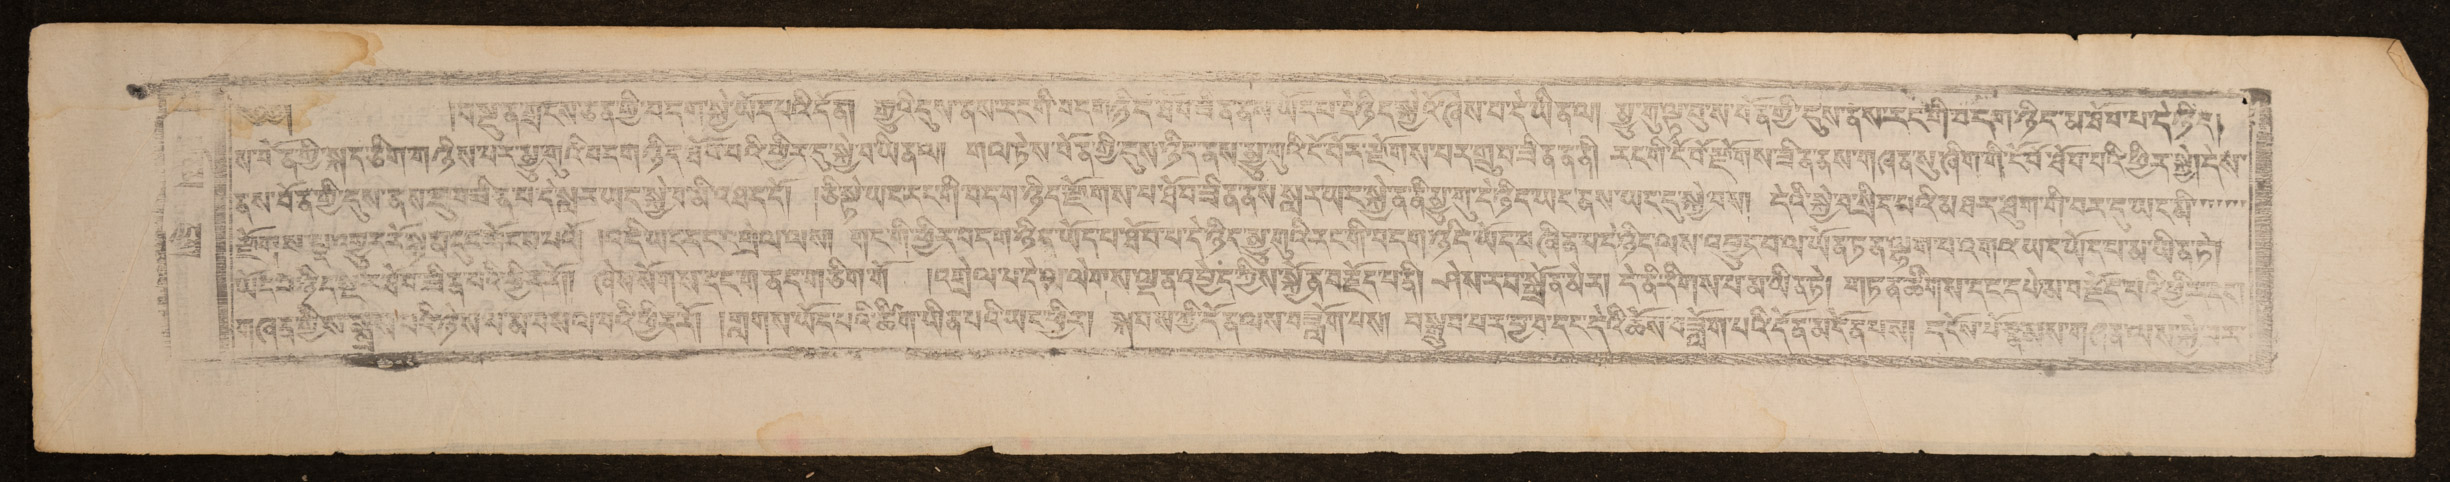༄༅། །བསྡུ་ན་གྲངས་ཅན་གྱི་བདག་སྐྱེ་ཡོད་པའི་དོན། རྒྱུའི་དུས་ནས་རང་གི་བདག་ཉིད་ཐོབ་ཟིན་ནས་ཡོད་པ་དེ་ཉིད་སྐྱེའོ་ཞེས་པ་དེ་ཡིན་ལ། མྱུ་གུ་ལྟ་བུ་ས་བོན་གྱི་དུས་ནས་རང་གི་བདག་ཉིད་མ་ཐོབ་པ་དེ་ཉིད།
ས་བོན་གྱི་སྐད་ཅིག་གཉིས་པར་མྱུ་གུའི་བདག་ཉིད་ཐོབ་པའི་ཕྱིར་དུ་སྐྱེ་བ་ཡིན་ལ། གལ་ཏེ་ས་བོན་གྱི་དུས་ཉིད་ནས་མྱུ་གུའི་ངོ་བོར་རྫོགས་པར་གྲུབ་ཟིན་ན་ནི། རང་གི་ངོ་བོ་རྫོགས་ཟིན་ནས་གཞན་སུ་ཞིག་གི་ངོ་བོ་ཐོབ་པའི་ཕྱིར་སྐྱེ། དེས་
ན་ས་བོན་གྱི་དུས་ནས་གྲུབ་ཟིན་པ་དེ་སླར་ཡང་སྐྱེ་བ་མི་འཐད་དོ། །ཅི་སྟེ་ཡང་རང་གི་བདག་ཉིད་རྫོགས་པ་ཐོབ་ཟིན་ནས་སླར་ཡང་སྐྱེ་ན་ནི་མྱུ་གུ་དེ་ཉིད་ཡང་ནས་ཡང་དུ་སྐྱེ་བས། དེའི་སྐྱེ་བ་སྲིད་པའི་མཐར་ཐུག་གི་བར་དུ་ཡང་མི་
རྫོགས་པར་འགྱུར་རོ་སྙམ་དུ་དགོངས་པའོ། །འདི་ཡང་རང་འགྲེལ་ལས། གང་གི་ཕྱིར་བདག་ཉིད་ཡོད་པ་ཐོབ་པ་དེ་ཉིད་མྱུ་གུའི་རང་གི་བདག་ཉིད་ཡོད་བཞིན་པ་དེ་ཉིད་ལས་འབྱུང་བ་ལ་ཡོན་ཏན་ལྷག་པ་འགའ་ཡང་ཡོད་པ་མ་ཡིན་ཏེ།
ཡོད་པ་ཉིད་སྔར་ཐོབ་ཟིན་པའི་ཕྱིར་རོ། །ཞེས་སོགས་དང་གནད་གཅིག་གོ །འགྲེལ་པ་དེ་ལ་ལེགས་ལྡན་འབྱེད་ཀྱིས་སྐྱོན་བརྗོད་པ་ནི། ཤེས་རབ་སྒྲོན་མར། དེ་ནི་རིགས་པ་མ་ཡིན་ཏེ། གཏན་ཚིགས་དང་དཔེ་མ་བརྗོད་པའི་ཕྱིར་དང་།
གཞན་གྱིས་སྨྲས་པའི་ཉེས་པ་མ་བསལ་བའི་ཕྱིར་རོ། །གླགས་ཡོད་པའི་ཚིག་ཡིན་པའི་ཡང་ཕྱིར། སྐབས་ཀྱི་དོན་ལས་བཟློག་པས། བསྒྲུབ་པར་བྱ་བ་དང་དེའི་ཆོས་བཟློག་པའི་དོན་མངོན་པས། དངོས་པོ་རྣམས་གཞན་ལས་སྐྱེ་བར་